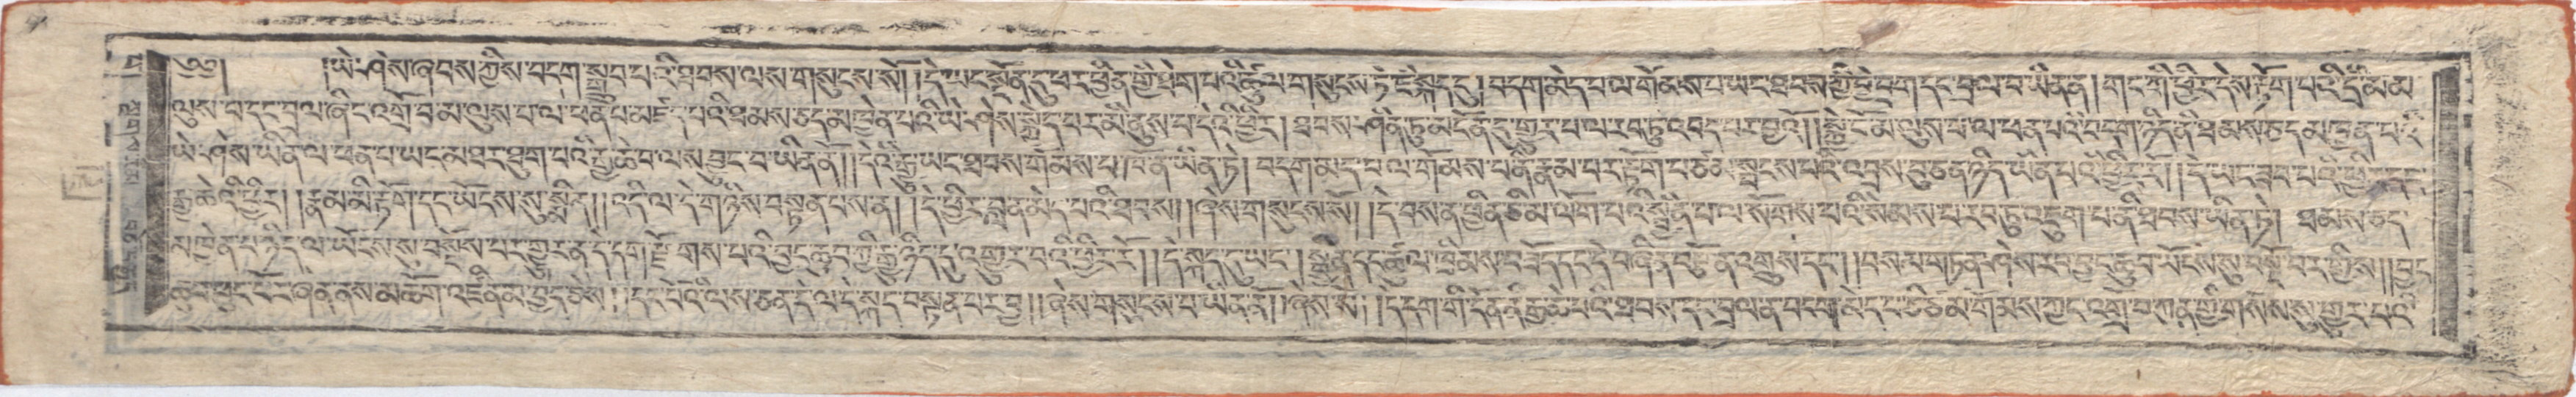༄༅། །ཡེ་ཤེས་ཞབས་ཀྱིས་བདག་སྒྲུབ་པའི་ཐབས་ལས་གསུངས་སོ། །དེ་ཡང་སྔོན་དུ་ཕར་ཕྱིན་གྱི་ཐེག་པའི་ཚུལ་གསུངས་ཏེ་ཇི་སྐད་དུ། བདག་མེད་པ་ལ་གོམས་པ་ཡང་ཐབས་ཀྱི་བྱེ་བྲལ་དང་བྲལ་བ་ཡིན་ན། གང་གི་ཕྱིར་དེས་རྟོག་པའི་དྲི་མ་མ་
ལུས་པ་དང་བྲལ་ཞིང་འགྲོ་བ་མ་ལུས་པ་ལ་ཕན་པ་མཛད་པའི་ཐམས་ཅད་མཁྱེན་པའི་ཡེ་ཤེས་སྐྱེད་པར་མི་ནུས་པ་དེའི་ཕྱིར། ཐབས་ཤིན་ཏུ་མངོན་དུ་གྱུར་པ་ལ་རབ་ཏུ་འབད་པར་བྱའོ། །སྐྱེ་བོ་མ་ལུས་པ་ལ་ཕན་པའི་བདག་ཉིད་ནི་ཐམས་ཅད་མཁྱེན་པའི་
ཡེ་ཤེས་ཡིན་ལ་ཕན་པ་ཡང་མཐར་ཐུག་པའི་རྒྱ་ཆེ་བ་ལས་བྱུང་བ་ཡིན་ནོ། །དེའི་རྒྱུ་ཡང་ཐབས་གོམས་པ་ཁོ་ན་ཡིན་ཏེ། བདག་མེད་པ་ལ་གོམས་པ་ནི་རྣམ་པར་རྟོག་པ་ཙམ་སྤངས་པའི་འབྲས་བུ་ཅན་ཉིད་ཡིན་པའི་ཕྱིར་རོ། །དེ་ཡང་ཟབ་པའི་ཕྱིར་དང་
རྒྱ་ཆེའི་ཕྱིར། །རྣམ་མི་རྟོག་དང་ཡོངས་སུ་སྨིན། །འདི་ལ་དེ་གཉིས་བསྟན་པས་ན། །དེ་ཕྱིར་བླ་ན་མེད་པའི་ཐབས། །ཞེས་གསུངས་སོ། །དེ་བས་ན་ཕྱིན་ཅི་མ་ལོག་པའི་སྦྱིན་པ་ལ་སོགས་པའི་སེམས་པ་རབ་ཏུ་འཇུག་པ་ནི་ཐབས་ཡིན་ཏེ། ཐམས་ཅད་
མཁྱེན་པ་ཉིད་ལ་ཡོངས་སུ་བསྔོས་པར་གྱུར་ན་དེ་དག་རྫོགས་པའི་བྱང་ཆུབ་ཀྱི་རྒྱུ་ཉིད་དུ་འགྱུར་བའི་ཕྱིར་རོ། །དེ་སྐད་དུ་ཡང་། སྦྱིན་དང་ཚུལ་ཁྲིམས་བཟོད་དང་དེ་བཞིན་བརྩོན་འགྲུས་དང་། །བསམ་གཏན་ཤེས་རབ་བྱང་ཆུབ་ཡོངས་སུ་བསྔོ་བར་གྱིས། །བྱང་
ཆུབ་ཕུང་པོར་ཞེན་ནས་མཆོག་འཛིན་མ་བྱེད་ཅེས། །དང་པོའི་ལས་ཅན་དེ་ལ་དེ་སྐད་བསྟན་པར་བྱ། །ཞེས་གསུངས་པ་ཡིན་ནོ། །ཞེས་སོ། །དེ་དག་གི་དོན་ནི་རྒྱ་ཆེ་བའི་ཐབས་དང་བྲལ་ན་བདག་མེད་པ་ཅི་ཙམ་གོམས་ཀྱང་འགྲོ་བ་ཀུན་གྱི་གསོས་སུ་གྱུར་པའི་